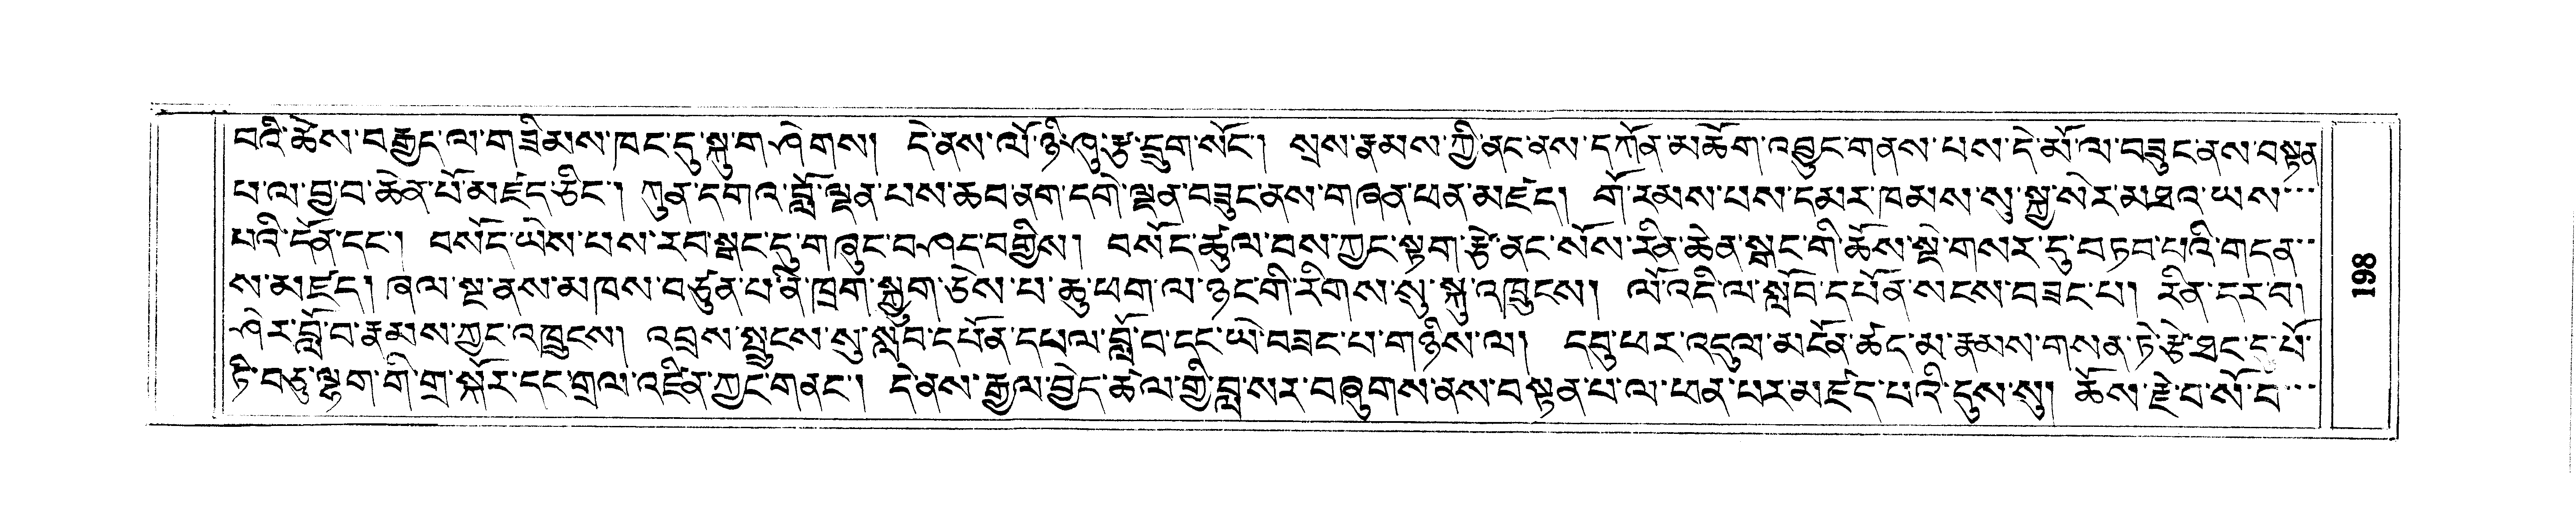བའི་ཆེས་བརྒྱད་ལ་གཟིམས་ཁང་དུ་སྐུ་གཤེགས། དེ་ནས་ལོ་ཉི་ཤུ་རྩ་དྲུག་སོང་། སྲས་རྣམས་ཀྱི་ནང་ནས་དཀོན་མཆོག་འབྱུང་གནས་པས་དེ་མོ་ལ་བཟུང་ནས་བསྟན་
པ་ལ་བྱ་བ་ཆེན་པོ་མཛད་ཅིང་། ཀུན་དགའ་བློ་ལྡན་པས་ཆབ་ནག་དགེ་ལྡན་བཟུང་ནས་གཞན་ཕན་མཛད། གོ་རམས་པས་དམར་ཁམས་སུ་སྐྱ་སེར་མཐའ་ཡས་
པའི་དོན་དང་། བསོད་ཡེས་པས་རབ་སྒང་དུ་གཞུང་བཤད་བགྱིས། བསོད་ཚུལ་བས་ཀྱང་སྟག་རྩེ་ནང་སོས་རིན་ཆེན་སྒང་གི་ཆོས་སྡེ་གསར་དུ་བཏབ་པའི་གདན་
ས་མཛད། ཞལ་སྔ་ནས་མཁས་བཙུན་པ་ནི་ཁྲག་སྐྱུག་ཅེས་པ་ཆུ་ཕག་ལ་ཉང་གི་རིགས་སུ་སྐུ་འཁྲུངས། ལོ་འདི་ལ་སློབ་དཔོན་སངས་བཟང་པ། རིན་དར་བ།
ཤེར་བློ་བ་རྣམས་ཀྱང་འཁྲུངས། འབྲས་སྤྲུངས་སུ་སླབ་དཔོན་དཔལ་བློ་བ་དང་ཡེ་བཟང་པ་གཉིས་ལ། དབུ་ཕར་འདུལ་མངོན་ཚད་མ་རྣམས་གསན་ཏེ་རྩེ་ཐང་དུ་པོ་
ཏི་བཅུ་ལྷག་གི་གྲ་སྐོར་དང་གྲལ་འཛིན་ཀྱང་གནང་། དེ་ནས་རྒྱལ་བྱེད་ཚལ་གྱི་བླ་སར་བཞུགས་ནས་བསྟན་པ་ལ་ཕན་པར་མཛད་པའི་དུས་སུ། ཆོས་རྗེ་བ་སོ་བ་